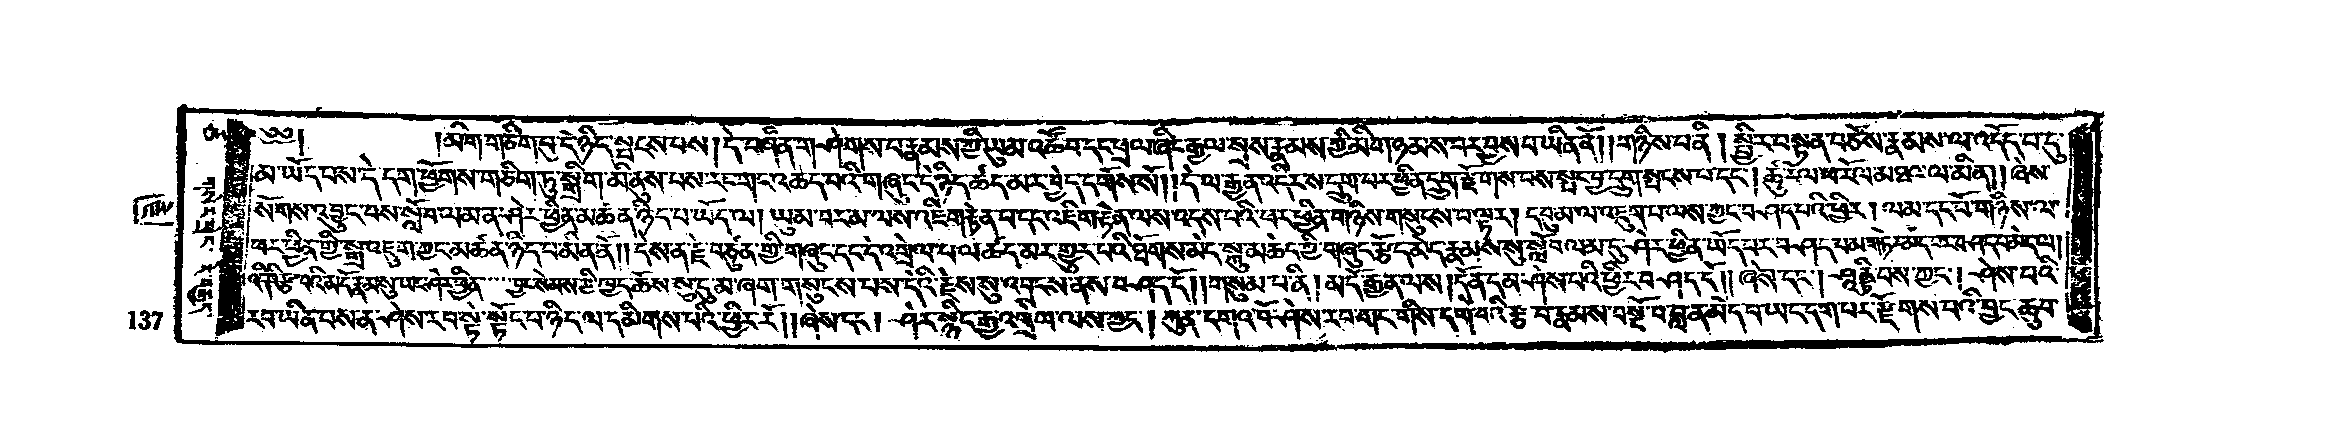༄༅། །མིག་གཅིག་པུ་དེ་ཉིད་སྤངས་པས། དེ་བཞིན་གཤེགས་པ་རྣམས་ཀྱི་ཡུམ་འཚོ་བ་དང་ཕྲལ་ཞིང་རྒྱལ་སྲས་རྣམས་ཀྱི་མིག་ཉམས་པར་བྱས་པ་ཡིན་ནོ། །གཉིས་པ་ནི། སྤྱིར་བསྟན་བཅོས་རྣམས་ལ་འདོད་པ་དུ་
མ་ཡོད་པས་དེ་དག་ཕྱོགས་གཅིག་ཏུ་སྒྲིག་མི་ནུས་པས་རང་གང་འཆད་པའི་གཞུང་དེ་ཉིད་ཚད་མར་བྱེད་དགོས་སོ། །དེ་ལ་རྒྱན་འདིར་ས་དྲུག་པར་ཕྱིན་དྲུག་རྫོགས་པས་སྤང་བྱ་དྲུག་སྤངས་པ་དང་། ཚུ་རོལ་ཕ་རོལ་མཐའ་ལ་མིན། །ཞེས་
སོགས་འབྱུང་བས་སློབ་ལམ་ན་ཤེར་ཕྱིན་མཚན་ཉིད་པ་ཡོད་ལ། ཡུམ་བར་མ་ལས་འཇིག་རྟེན་པ་དང་འཇིག་རྟེན་ལས་འདས་པའི་ཕར་ཕྱིན་གཉིས་གསུངས་པ་ལྟར། དབུ་མ་ལ་འཇུག་པ་ལས་ཀྱང་བཤད་པའི་ཕྱིར། ལམ་དང་པོ་གཉིས་ལ་
ཕར་ཕྱིན་གྱི་སྐྲ་འཇུག་ཀྱང་མཚན་ཉིད་པ་མིན་ནོ། །དེས་ན་རྗེ་བཙུན་གྱི་གཞུང་དང་དེ་འགྲེལ་པ་ལ་ཆད་མར་གྱུར་པའི་ཐོགས་མེད་སྐུ་མཆེད་ཀྱི་གཞུང་རྩོད་མེད་རྣམས་སུ་སློབ་ལམ་དུ་ཤེར་ཕྱིན་ཡོད་པར་བཤད་པ་མ་གཏོགས་མེད་པར་བཤད་པ་མེད་ལ།
འདིའི་རྩ་བའི་མདོ་རྣམས་སུ་ཡང་ཤེར་ཕྱིན་བྱང་སེམས་ཀྱི་ཁྱད་ཆོས་སུ་དུ་མ་ཞིག་གསུངས་པས་དེའི་རྗེས་སུ་འབྲངས་ནས་བཤད་དོ། །གསུམ་པ་ནི། མདོ་རྒྱན་ལས། དོན་དམ་ཤེས་པའི་ཕྱིར་བཤད་དོ། །ཞེས་དང་། ཤཱནྟི་པས་ཀྱང་། ཤེས་པའི་
རབ་ཡིན་པས་ན་ཤེས་རབ་སྟེ་སྟོང་པ་ཉིད་ལ་དམིགས་པའི་ཕྱིར་རོ། །ཞེས་དང་། ཤེར་སྙིང་རྒྱ་འགྲེལ་ལས་ཀྱང་། ཀུན་དགའ་བོ་ཤེས་རབ་གང་གིས་དགེ་བའི་རྩ་བ་རྣམས་བསྔོ་བ་བླ་ན་མེད་པ་ཡང་དག་པར་རྫོགས་པའི་བྱང་ཆུབ་